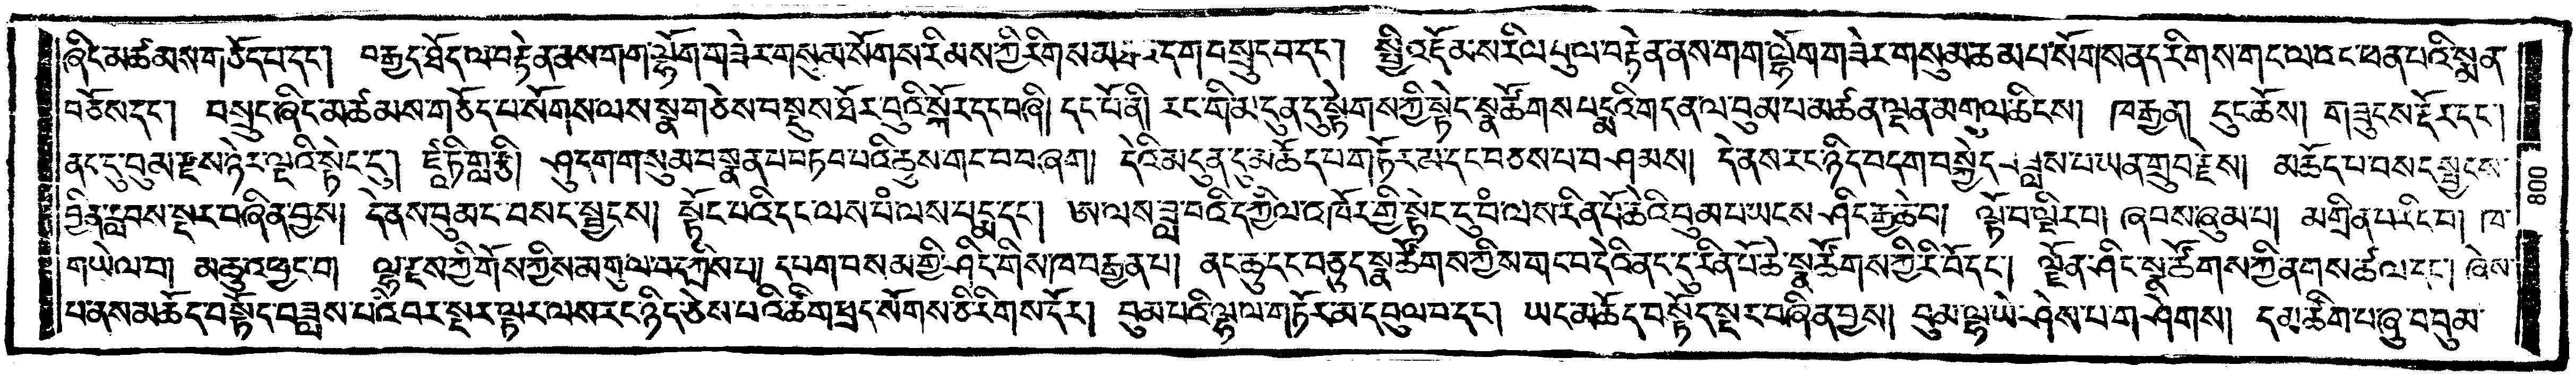ཞིང་མཚམས་གཅོད་པ་དང་། བརྒྱད་ཐད་ལ་བརྟེན་ནས་གག་ལྷོག་གཟེར་གསུམ་སོགས་རིམས་ཀྱི་རིགས་མཐར་དག་བསྲུང་བ་དང་། སྤྱི་འཛོམས་རིལ་པུལ་བརྟེན་ནས་གག་ལྷོག་གཟེར་གསུམ་ཆམ་པ་སོགས་ནད་རིགས་གསལ་འབང་ཕན་པའི་སྨན་
བཅོས་དང་། བསྲུང་ཞིང་མཚམས་གཅོད་པ་སོགས་ལས་སྣ་གཅེས་བསྡུས་ཐོག་བུའི་སྐོར་དང་བཞི། དང་པོ་ནི་རང་གི་མདུན་སྡུ་སྟེགས་ཀྱི་སྟེང་སྣ་ཚོགས་པདམའི་གདན་ལ་བུམ་ལ་མཚན་ལྡན་མགུལ་ཅིངས། ཁ་རྒྱན། དུང་ཆོས། གཟུངས་རྡོར་དང་།
ནང་དུ་བུམ་རྫས་ཉེར་ལྔའི་སྟེང་དུ། ཛའ་ཏི་གླ་རྩི། ཤུ་དག་གསུམ་པ་སྣན་པ་བཏབ་པའི་ཆུས་གང་བ་བཞག། དེའི་མདུན་དུ་མཆོད་པ་གཏོར་མ་དང་བཅས་པ་བཤམས། དེ་ནས་རང་ཉིད་བདག་བསྐྱེད་བཟླས་པ་ཡན་གྲུབ་རྗེས། མཆོད་པ་བསང་སྦྱང་
བྱིན་རླབས་སྔར་བཞིན་བྱས། དེ་ནས་བུམ་པ་བསང་སྦྱངས། སྟོང་པའི་དང་ལས་པཾ་ལས་པདམ་དང་། ཨ་ལས་ཟླ་བའི་དཀྱིལ་འཁོར་གྱི་སྟེང་དུ་བཾ་ལས་རིན་པོ་ཆེའི་བུམ་པ་ཡངས་ཤིང་རྒྱ་ཆེ་བ། ལྟོ་བ་ལྡིར་བ། ཞབས་ཞུམ་པ། མགྲིན་པ་རིང་བ། ཁ་
གཡེལ་བ། མཆུ་འཕྱད་བ། ལྷུ་རྫས་ཀྱི་གོས་ཀྱིས་མགུལ་བ་དཀྲིས་པ། དཔག་བསམ་གྱི་ཤིང་གིས་ཁ་བརྒྱན་པ། གནག་ཆུ་དང་བཅུད་སྣ་ཚོག་ཀྱི་གང་བ་དེའི་ནང་དུ་རིན་པོ་ཆེ་སྣ་ཚོགས་ཀྱིར་རི་བོ་དང་། ལྗོན་ཤིང་སྣ་ཚོགས་ཀྱི་ནགས་ཚལ་དང་། ཞེས་
པ་ནས་མཆོད་བསྟོད་བཟླས་པའི་བར་སྔར་ལྟར་ལས་རང་ཉིད་ཅེས་པ་ཚིག་ཕྲད་སོགས་ཅི་རིགས་དོར། བུམ་པའི་ལྷ་ལ་གཏོར་མ་དབུལ་བ་དང་། ཡང་མཆོད་བསྟོད་སྔར་བཞིན་བྱས། བུམ་ལྷ་ཡེ་ཤེས་པ་གཤེགས། དམ་ཚིག་པ་ཞུ་བ་བུ་